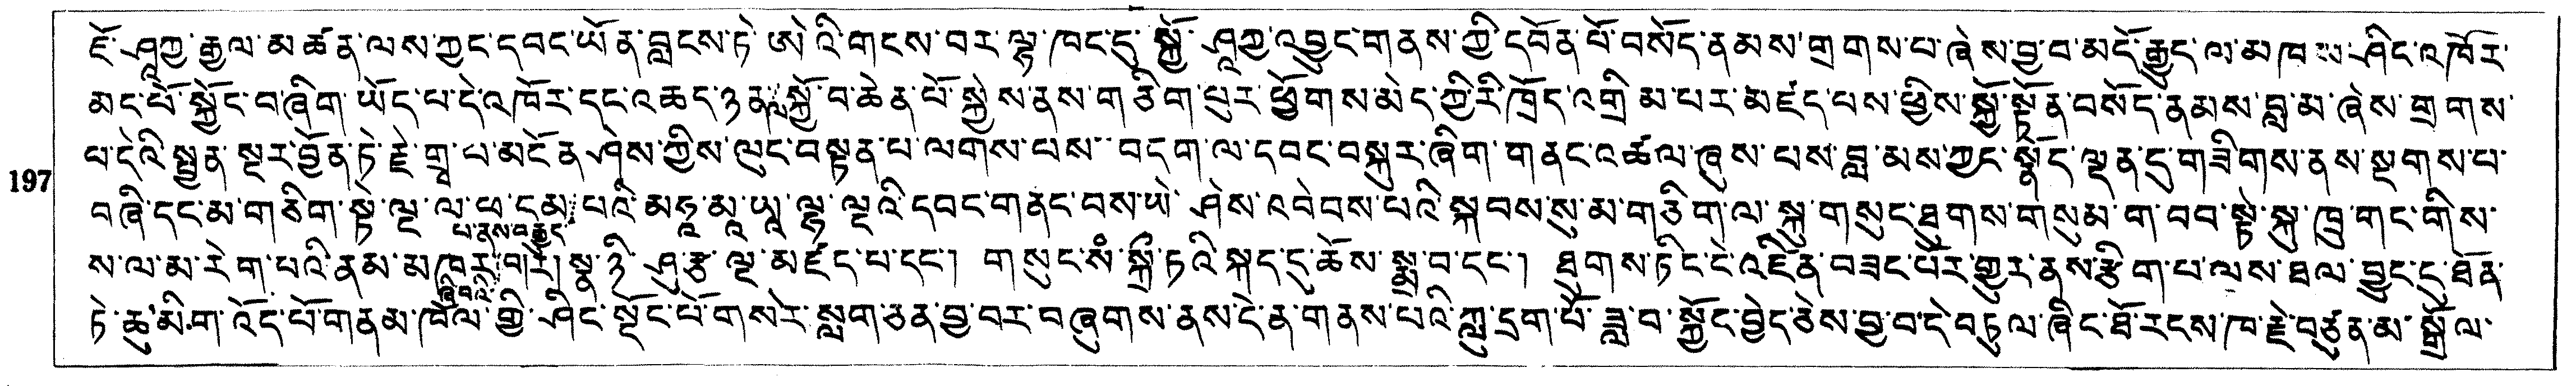ཇོ་ཤཱཀྱ་རྒྱལ་མཚན་ལས་ཀྱང་དབང་ཡོན་བླངས་ཏེ་ཨེའི་གངས་བར་ལྷ་ཁང་དུ་སྐྱོ་ཤཱཀྱ་འབྱུང་གནས་ཀྱི་དབོན་པོ་བསོད་ནམས་གྲགས་པ་ཞེས་བྱ་བ་མདོ་རྒྱུད་ལ་མཁས་ཤིང་འཁར་
མང་པོ་སྐྱོང་བ་ཞིག་ཡོད་པ་དེ་འཁོར་དང་འཆད་ཉན་ལ་སྐྱོ་བ་ཆེན་པོ་སྐྱེས་ནས་གཅིག་པུར་ཕྱོགས་མེད་ཀྱི་རི་ཁྲོད་འགྲིམ་པར་མཛད་པས་ཕྱིས་སྐྱོ་སྟོན་བསོད་ནམས་བླ་མ་ཞེས་གྲགས་
པ་དེའི་སྤྱན་སྔར་བྱོན་ཏེ་རྗེ་གྲྭ་པ་མངོན་ཤེས་ཀྱིས་ལུང་བསྟན་པ་ལགས་པས་བདག་ལ་དབང་བསྐུར་ཞིག་གནང་འཚལ་ཞུས་པས་བླ་མས་ཀྱང་སྣོད་ལྡན་དུ་གཟིགས་ནས་སྔགས་པ་
བཞི་དང་མ་གཅིག་སྟེ་ལྔ་ལ་ཕ་དམ་པ་ནས་བརྒྱུད་པའི་མྷཱ་?་མཱ་ཡཱ་ལྷ་ལྔའི་དབང་གནང་བས་ཡེ་ཤེས་འབེབས་པའི་སྐབས་སུ་མ་གཅིག་ལ་སྐུ་གསུང་ཐུགས་གསུམ་ག་བབ་སྟེ་སྐུ་ཁྲུ་གང་གིས་
ས་ལ་མ་རེག་པའི་ནམ་མཁར་ཞི་བའི་བ། ར། སྣ་ཉི་ཤུ་རྩ་ལྔ་མཛད་པ་དང་། གསུངས་སཾ་སྐྲྀ་ཏའི་སྐད་དུ་ཆོས་སྨྲ་བ་དང་། ཐུགས་ཏིང་ངེ་འཛིན་བཟང་པོར་གྱུར་ནས་རྩིག་པ་ལས་ཐལ་བྱུང་དུ་ཐོན་
ཏེ་ཆུ་མིག་འོད་པོ་གནམ་ཁོལ་གྱི་ཤིང་སྡོང་པོ་གསེར་སླག་ཅན་བྱ་བར་བཞུགས་ནས་དེ་ན་གནས་པའི་ཀླུ་དྲག་པོ་ཟླ་བ་སྐྱོང་བྱེད་ཅེས་བྱ་བ་དེ་བཏུལ་ཞིང་ཐོ་རངས་ཁ་རྗེ་བཙུན་མ་སྒྲོལ་